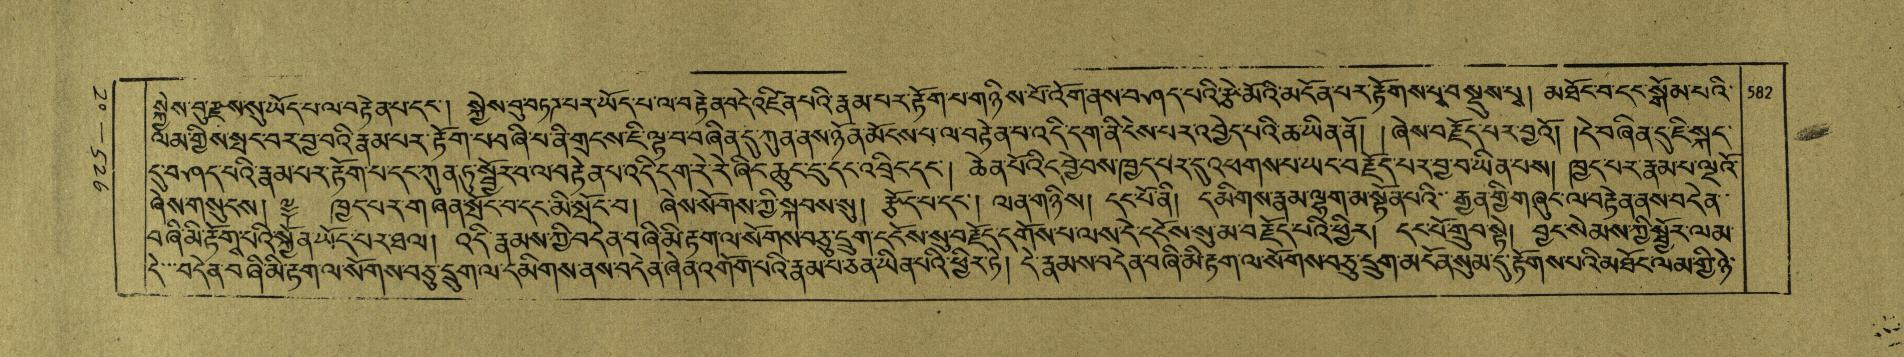སྐྱེས་བུ་རྫས་སུ་ཡོད་པ་ལ་བརྟེན་པ་དང་། སྐྱེས་བུ་བཏཌ་པར་ཡོད་པ་ལ་བརྟེན་བདེ་འཛིན་པའི་རྣམ་པར་རྟོག་པ་གཉིས་པོ་འོག་ནས་བཤད་པའི་རྩེ་མོའི་མངོན་པར་རྟོགས་པས་བསྡུས་པས། མཐོང་བ་དང་སྒོམ་པའི་
ལམ་གྱིས་སྤང་བར་བྱ་བའི་རྣམ་པར་རྟོག་པ་བཞི་པ་ནི་གྲངས་ཇི་ལྟ་བ་བཞིན་དུ་ཀུན་ནས་ཉོན་མོངས་པ་ལ་བརྟེན་པ་འདི་དག་ནི་ངེས་པར་འབྱེད་པའི་ཆ་ཡིན་ནོ། །ཞེས་བརྗོད་པར་བྱའོ། །དེ་བཞིན་དུ་ཇི་སྐད་
དུ་བཤད་པའི་རྣམ་པར་རྟོག་པ་དང་ཀུན་ཏུ་སྦྱོར་བ་ལ་བརྟེན་པ་འདི་དག་རེ་རེ་ཞིང་ཆུང་དུ་དང་འབྲིང་དང་། ཆེན་པོའི་དབྱེ་བས་ཁྱད་པར་དུ་འཕགས་པ་ཡང་བརྗོད་པར་བྱ་བ་ཡིན་པས། ཁྱད་པར་རྣམ་པ་ལྔའོ་
ཞེས་གསུངས། ༈ ཁྱད་པར་གཞན་སྤོང་བ་དང་མི་སྤོང་བ། ཞེས་སོགས་ཀྱི་སྐབས་སུ། རྩོད་པ་དང་། ལན་གཉིས། དང་པོ་ནི། དམིགས་རྣམ་ལྷག་མ་སྟོན་པའི་རྒྱན་གྱི་གཞུང་ལ་བརྟེན་ནས་བདེན་
བཞི་མི་རྟོགས་པའི་སྐྱོན་ཡོད་པར་ཐལ། འདི་རྣམས་ཀྱི་བདེན་བཞི་མི་རྟག་ལ་སོགས་བཅུ་དྲུག་དངོས་སུ་བརྗོད་དགོས་པ་ལས་དེ་དངོས་སུ་མ་བརྗོད་པའི་ཕྱིར། དང་པོ་གྲུབ་སྟེ། བྱང་སེམས་ཀྱི་སྦྱོར་ལམ་
དེ་བདེན་བཞི་མི་རྟག་ལ་སོགས་བཅུ་དྲུག་ལ་དམིགས་ནས་བདེན་ཞེན་འགོག་པའི་རྣམ་པ་ཅན་ཡིན་པའི་ཕྱིར་ཏེ། དེ་རྣམས་བདེན་བཞི་མི་རྟག་ལ་སོགས་བཅུ་དྲུག་མངོན་སུམ་དུ་རྟོགས་པའི་མཐོང་ལམ་གྱི་ཉེ་